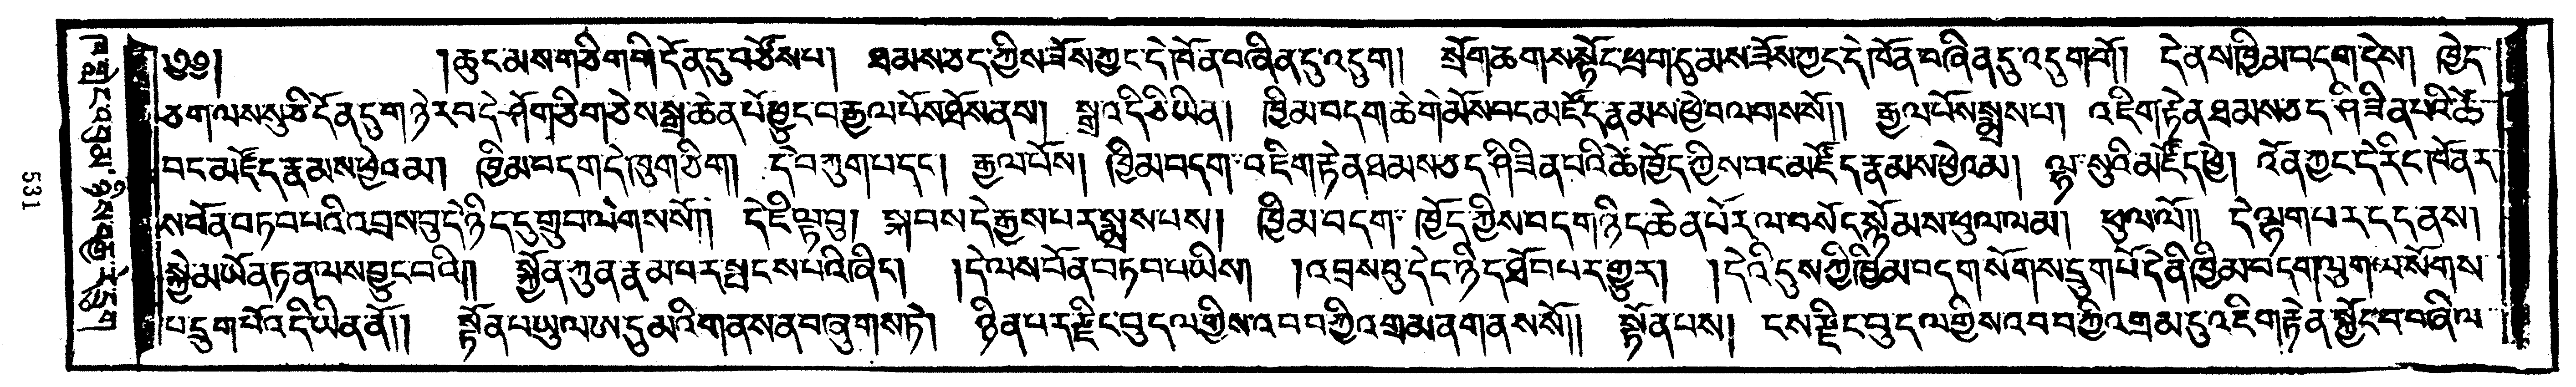༄༅། །ཆུང་མས་གཅིག་གི་དོན་དུ་བཙོས་པ། ཐམས་ཅད་ཀྱིས་ཟོས་ཀྱང་དེ་ཁོ་ན་བཞིན་དུ་འདུག། སྲོག་ཆགས་སྟོང་ཕྲག་དུ་མས་ཟོས་ཀྱང་དེ་ཁོ་ན་བཞིན་དུ་འདུག་གོ། དེ་ནས་ཁྱིམ་བདག་དེས། ཁྱེད་
ཅག་ལས་སུ་ཅི་དོན་དུ་གཉེར་བ་དེ་ཤོག་ཅིག་ཅེས་སྒྲ་ཆེན་པོ་ཕྱུང་བ་རྒྱལ་པོས་ཐོས་ནས། སྒྲ་འདི་ཅི་ཡིན། ཁྱིམ་བདག་ཆེ་གེ་མོས་བང་མཛོད་རྣམས་ཕྱེ་བ་ལགས་སོ།། རྒྱལ་པོས་སྨྲས་པ། འཇིག་རྟེན་ཐམས་ཅད་ཤི་ཟིན་པའི་ཚེ་
བང་མཛོད་རྣམས་ཕྱེའམ། ཁྱིམ་བདག་དེ་ཁུག་ཅིག། དེ་བཀུག་པ་དང་། རྒྱལ་པོས། ཁྱིམ་བདག་འཇིག་རྟེན་ཐམས་ཅད་ཤི་ཟིན་པའི་ཚེ་ཁྱོད་ཀྱིས་བང་མཛོད་རྣམས་ཕྱེའམ། ལྷ་སུའི་མཛོད་ཕྱེ། འོན་ཀྱང་དེ་རིང་ཁོ་ནར་
ས་བོན་བཏབ་པའི་འབྲས་བུ་དེ་ཉིད་དུ་གྲུབ་ལེགས་སོ།། དེ་ཇི་ལྟ་བུ། སྐབས་དེ་རྒྱས་པར་སྨྲས་པས། ཁྱིམ་བདག་ཁྱོད་ཀྱིས་བདག་ཉིད་ཆེན་པོར་ལ་བསོད་སྙོམས་ཕུལ་ལམ། ཕུལ་ལོ།། དེ་ལྷག་པར་དད་ནས།
སྐྱེ་མ་ཡོན་ཏན་ལས་བྱུང་བའི།། སྐྱོན་ཀུན་རྣམ་པར་སྤངས་པའི་ཞིང་། །དེ་ལས་བོན་བཏབ་པ་ཡིས། །འབྲས་བུ་དེང་ཉིད་ཐོབ་པར་གྱུར། །དེའི་དུས་ཀྱི་ཁྱིམ་བདག་སོགས་དྲུག་པོ་དེ་ནི་ཁྱིམ་བདག་ལུག་ལ་སོགས་
པ་དྲུག་པོ་འདི་ཡིན་ནོ།། སྟོན་པ་ཡུལ་ཨ་དུ་མའི་གནས་ན་བཞུགས་ཏེ། ཉིན་པར་རྫིང་བུ་དལ་གྱིས་འབབ་ཀྱི་འགྲམ་ན་གནས་སོ།། སྟོན་པས། ངས་རྫིང་བུ་དལ་གྱིས་འབབ་ཀྱི་འགྲམ་དུ་འཇིག་རྟེན་སྐྱོང་བ་བཞི་ལ་